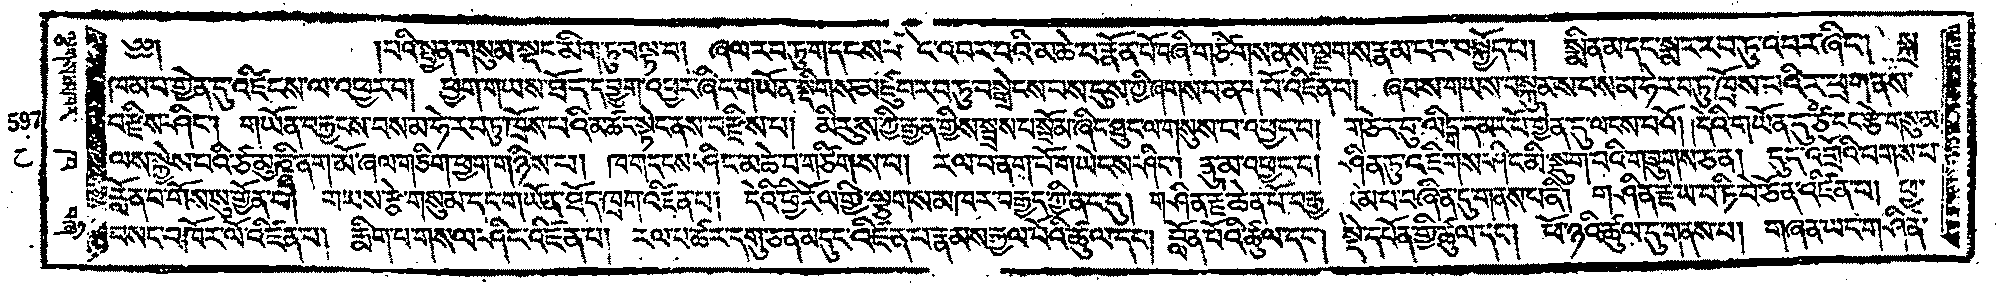༄༅། །པའི་སྤྱན་གསུམ་སྡང་མིག་ཏུ་བལྟ་བ། ཞལ་རབ་ཏུ་གདངས་པའི་ད་འབར་བའི་མཆེ་བ་རྣོན་པོ་བཞི་གཙིགས་ནས་ལྗགས་རྣམ་པར་བསྐྱོད་པ། སྨིན་མ་དང་སྨ་ར་རབ་ཏུ་འབར་ཞིང་། སྐྲ་
ཁམ་པ་གྱེན་དུ་འཛིངས་ལ་འཕྱར་བ། ཕྱག་གཡས་ཐོད་དབྱུག་འཕྱར་ཞིང་གཡོན་སྡིགས་མཛུབ་རབ་ཏུ་བསྒྲེངས་པས་དུས་ཀྱི་ཞགས་པ་ནག་པོ་འཛིན་པ། ཞབས་གཡས་བསྐུམས་པས་མ་ཧེ་རབ་ཏུ་ཁྲོས་པའི་ར་ཕྲག་ནས་
བརྫིས་ཤིང་། གཡོན་བརྐྱངས་བས་མ་ཧེ་རབ་ཏུ་ཁྲོས་པའི་མཚང་སྟེང་ནས་བརྫིས་པ། མི་རུས་ཀྱི་རྒྱན་གྱིས་སྤྲས་པ་སྦོམ་ཞིང་ཐུང་ལ་གསུས་བ་འཕྱང་བ། གཅེར་བུ་ལིངྒ་དམར་པོ་གྱིན་དུ་ལངས་པའོ། །དེའི་གཡོན་དུ་ཙཾ་དང་རྩེ་གསུམ་
ལས་སྐྱེས་པའི་ཙ་མུཎི?་ནག་མོ་ཞལ་གཅིག་ཕྱག་གཉིས་པ། ཁ་གདངས་ཤིང་མཆེ་བ་གཙིགས་པ། རལ་པ་ནག་པོ་གཡེངས་ཤིང་། ནུ་མ་འཕྱང་བ། ཤིན་ཏུ་འཇིགས་ཤིང་མི་སྡུག་པའི་གཟུགས་ཅན། དུད་འགྲོའི་པགས་པ་
རློན་བ་གོས་སུ་གྱོན་པེ། གཡས་རྩེ་གསུམ་དང་གཡོན་ཐོད་ཁྲག་འཛིན་པ། དེའི་ཕྱི་རོལ་གྱི་ལྕགས་མཁར་བརྒྱད་ཀྱི་ནང་དུ། གཤིན་རྗེ་ཆེན་པོ་བརྒྱ། རིམ་པ་བཞིན་དུ་གནས་པ་ནི། གཤིན་རྗེ་ཡ་བ་ཏི་བེ་ཅོན་འཛིན་པ། ཕྱྭ་
བསང་འཁོར་ལོ་འཛིན་པ། རྨིག་པ་གསལ་ཤིང་འཛིན་པ། རལ་པ་ཚར་དགུ་ཅན་མདུང་འཛིན་པ་རྣམས་རྒྱལ་པོའི་ཚུལ་དང་། བློན་པོའི་ཚུལ་དང་། སྡེ་དཔོན་གྱི་ཚུལ་དང་། ཕོ་ཉའི་ཚུལ་དུ་གནས་པ། གཞན་ཡང་གཤིན་